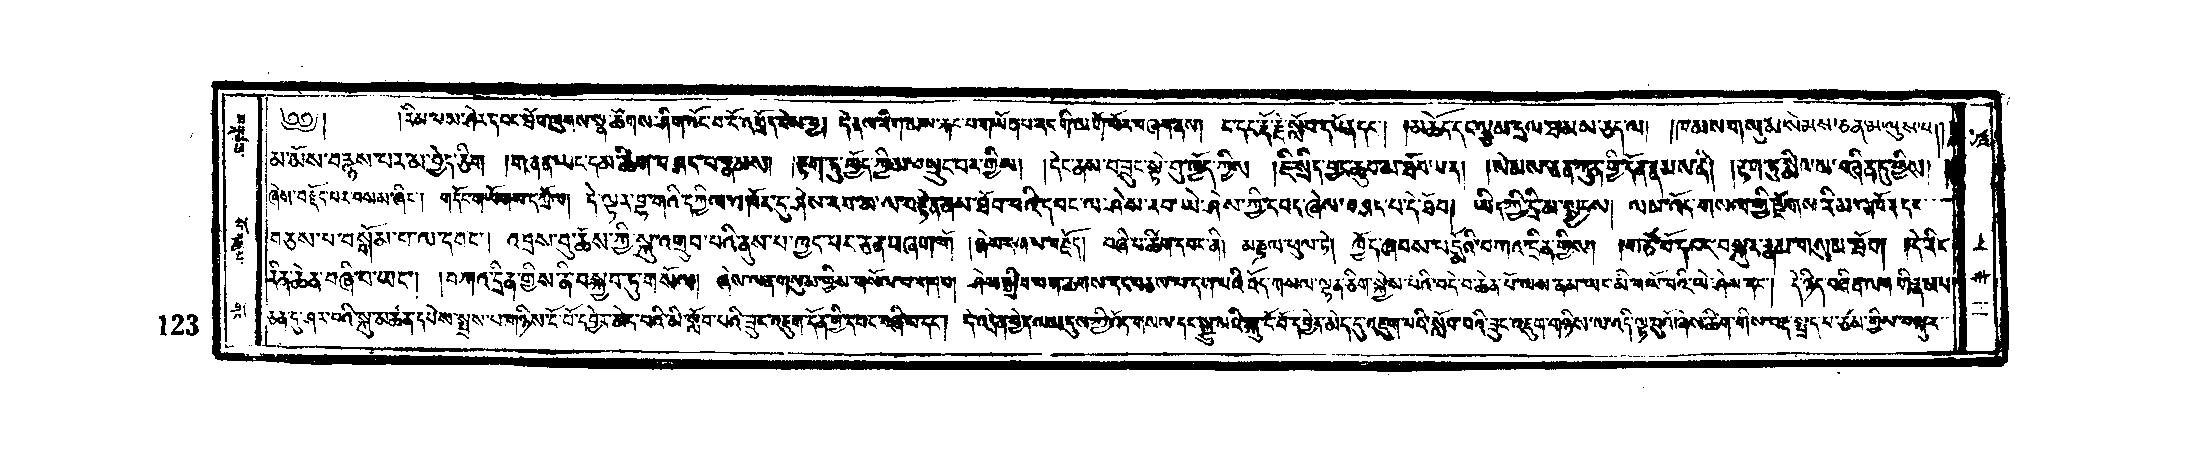༄༅། །རིམ་ལམ་ཤེར་དབང་ཐོབ་ཞུགས་སྣ་ཚོགས་ཤིག་འོང་བ་ངོ་འཕྲོད་ངེས་བྱ། དེ་ནས་རིག་མས་རྐང་པ་གཡོན་པ་རང་གིས་གོ་བོར་བཞག་ནས། ང་དང་རྡོ་རྗེ་སློབ་དཔོན་དང་། །མཆོད་དང་ལྕམ་དྲལ་ཐམས་ཅད་ལ། །ཁམས་གསུམ་སེམས་ཅན་མ་ལུས་པ།
མ་མོས་བརྙས་པར་མ་བྱེད་ཅིག །གཞན་ཡང་དམ་ཚིག་བཤད་པ་རྣམས། །རྟག་ཏུ་ཁྱོད་ཀྱིས་བསྲུང་བར་གྱིས། །དེང་ནས་བཟུང་སྟེ་བུ་ཁྱོད་ཀྱིས། །ཇི་སྲིད་བྱང་ཆུབ་མ་ཐོབ་པར། །སེམས་ཅན་ཀུན་གྱི་དོན་རྣམས་ནི། །རྟག་ཏུ་སྨི་ལམ་བཞིན་དུ་གྱིས། །
ཞེས་བརྗོད་པར་བསམ་ཞིང་། གདོང་གཡོགས་དཀྲོལ། དེ་ལྟར་བྷ་གའི་དཀྱིལ་འཁོར་དུ་ཤེས་རབ་མ་ལ་བརྟེན་ནས་ཐོབ་པའི་དབང་ལ་ཤེས་རབ་ཡེ་ཤེས་ཀྱི་དབང་ཞེས་བཤད་པ་དེ་ཐོབ། ཡིད་ཀྱི་དྲི་མ་སྦྱངས། ལམ་འོད་གསལ་གྱི་རྫོགས་རིམ་འཁོར་དང་
བཅས་པ་བསྒོམ་པ་ལ་དབང་། འབྲས་བུ་ཆོས་ཀྱི་སྐུ་འགྲུབ་པའི་ནུས་པ་ཁྱད་པར་ཅན་བཞག་གོ །ཞེས་ནས་བརྗོད། བཞི་པ་ཚིག་དབང་ནི། མཎྜལ་ཕུལ་ཏེ། ཁྱོད་ཞབས་པདམོའི་བཀའ་དྲིན་གྱིས། །གཙོ་བོ་དབང་བསྐུར་རྣམ་གསུམ་ཐོབ། །དེ་རིང་
རིན་ཆེན་བཞི་པ་ཡང་། །བཀའ་དྲིན་གྱིས་ནི་བསྐྱབ་ཏུ་གསོལ། ཞེས་ལན་གསུམ་གྱིས་གསོལ་བ་གདབ། ཤེས་སྒྲིབ་བག་ཆགས་དང་བཅས་པ་དག་པའི་འོད་གསལ་ལྷན་ཅིག་སྐྱེས་པའི་བདེ་བ་ཆེན་པོ་ལས་ནམ་ཡང་མི་གཡོ་བའི་ཡེ་ཤེས་དང་། དེ་ཉིད་བཞིན་ལག་གི་རྣམ་པ་
ཅན་དུ་ཤར་བའི་སྐུ་མཚན་དཔེས་སྤྲས་པ་གཉིས་ངོ་བོ་དབྱེར་མེད་པའི་མི་སློབ་པའི་ཟུང་འཇུག་དོན་གྱི་དབང་བཞི་པ་དང་། དེ་འདྲེན་བྱེད་ལས་དུས་ཀྱི་འོད་གསལ་དང་སྒྱུ་མའི་སྐུ་ངོ་བོ་དབྱེར་མེད་དུ་འཇུག་པའི་སློབ་བའི་ཟུང་འཇུག་གཉིས་ལ་འདི་ལྟ་བུའོ་ཞེས་ཚིག་གིས་བརྡ་སྤྲད་པ་ཙམ་གྱིས་བསྐུར་